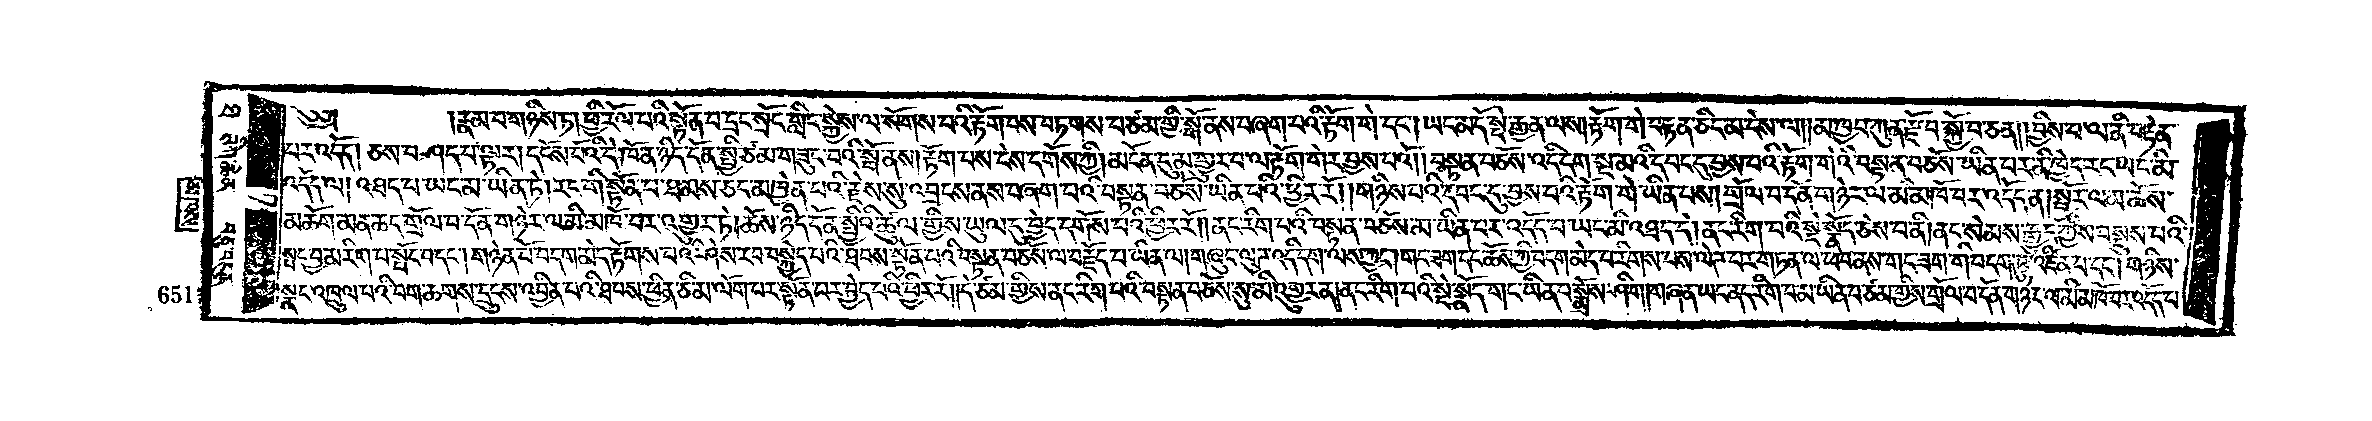༄༅། །རྣམ་པ་གཉིས་ཏེ། ཕྱི་རོལ་པའི་སྟོན་པ་དྲང་སྲོང་གླིང་སྐྱེས་ལ་སོགས་པའི་རྟོག་པས་བཏགས་པ་ཙམ་གྱི་སྒོ་ནས་བཞག་པའི་རྟོག་གེ་དང་། ཡང་མདོ་སྡེ་རྒྱན་ལས། རྟོག་གེ་བརྟན་ཅིང་མ་ངེས་ལ། །མ་ཁྱབ་ཀུན་རྫོབ་སྐྱོ་བ་ཅན། །བྱིས་པ་ལ་ནི་བརྟེན་
པར་འདོད། ཅས་བཤད་པ་ལྟར། དངོས་པོའི་དེ་ཁོ་ན་ཉིད་དོན་སྤྱི་ཙམ་གཟུང་བའི་སྒོ་ནས། རྟོག་པས་ངེས་དགོས་ཀྱི། མངོན་དུ་མ་གྱུར་བ་ལ་རྟོག་གེར་བྱས་པའོ། །བསྟན་བཅོས་འདི་དག་སྔ་མའི་དབང་དུ་བྱས་པའི་རྟོག་གེའི་བསྟན་བཅོས་ཡིན་པར་ནི་ཁྱེད་རང་ཡང་མི་
འདོད་ལ། འཐད་པ་ཡང་མ་ཡིན་ཏེ། རང་གི་སྟོན་པ་ཐམས་ཅད་མཁྱེན་པའི་རྗེས་སུ་འབྲངས་ནས་བཞག་པའི་བསྟན་བཅོས་ཡིན་པའི་ཕྱིར་རོ། །གཉིས་པའི་དབང་དུ་བྱས་པའི་རྟོག་གེ་ཡིན་པས། གྲོལ་བ་དོན་གཉེར་ལ་མི་མཁོ་བར་འདོད་ན། སྦྱོར་ལམ་ཆོས་
མཆོག་མན་ཆད་གྲོལ་བ་དོན་གཉེར་ལ་མི་མཁོ་བར་འགྱུར་ཏེ། ཆོས་ཉིད་དོན་སྤྱིའི་ཚུལ་གྱིས་ཡུལ་དུ་བྱེད་དགོས་པའི་ཕྱིར་རོ། །རང་རིག་པའི་བསྟན་བཅོས་མ་ཡིན་པར་འདོད་པ་ཡང་མི་འཐད་དེ། ནང་རིག་པའི་སྡེ་སྣོད་ཅེས་པ་ནི། ནང་སེམས་རྒྱུད་ཀྱིས་བསྡུས་པའི་
སྤང་བྱ་མ་རིག་པ་སྤོང་བ་དང་། གཉེན་པོ་བདག་མེད་རྟོགས་པའི་ཤེས་རབ་བསྐྱེད་པའི་ཐབས་སྟོན་པའི་བསྟན་བཅོས་ལ་བརྗོད་པ་ཡིན་ལ། གཞུང་ལུགས་འདི་དག་ལས་ཀྱང་། གང་ཟག་དང་ཆོས་ཀྱི་བདག་མེད་པ་རིགས་པས་ལེགས་པར་གཏན་ལ་ཕབ་ནས་གང་ཟག་གི་བདག་ཏུ་འཛིན་པ་དང་། གཉིས་
སྣང་འཁྲུལ་པའི་བག་ཆགས་དྲུངས་འབྱིན་པའི་ཐབས་ཕྱིན་ཅི་མ་ལོག་པར་སྟོན་པར་བྱེད་པའི་ཕྱིར་རོ། །དེ་ཙམ་གྱིས་ནང་རིག་པའི་བསྟན་བཅོས་སུ་མི་འགྱུར་ན། ནང་རིག་པའི་སྡེ་སྣོད་གང་ཡིན་པ་སྨྲོས་ཤིག། གཞན་ཡང་ནང་རིག་པ་མ་ཡིན་པ་ཙམ་གྱིས་གྲོལ་བ་དོན་གཉེར་ལ་མི་མཁོ་བར་འདོད་པ་